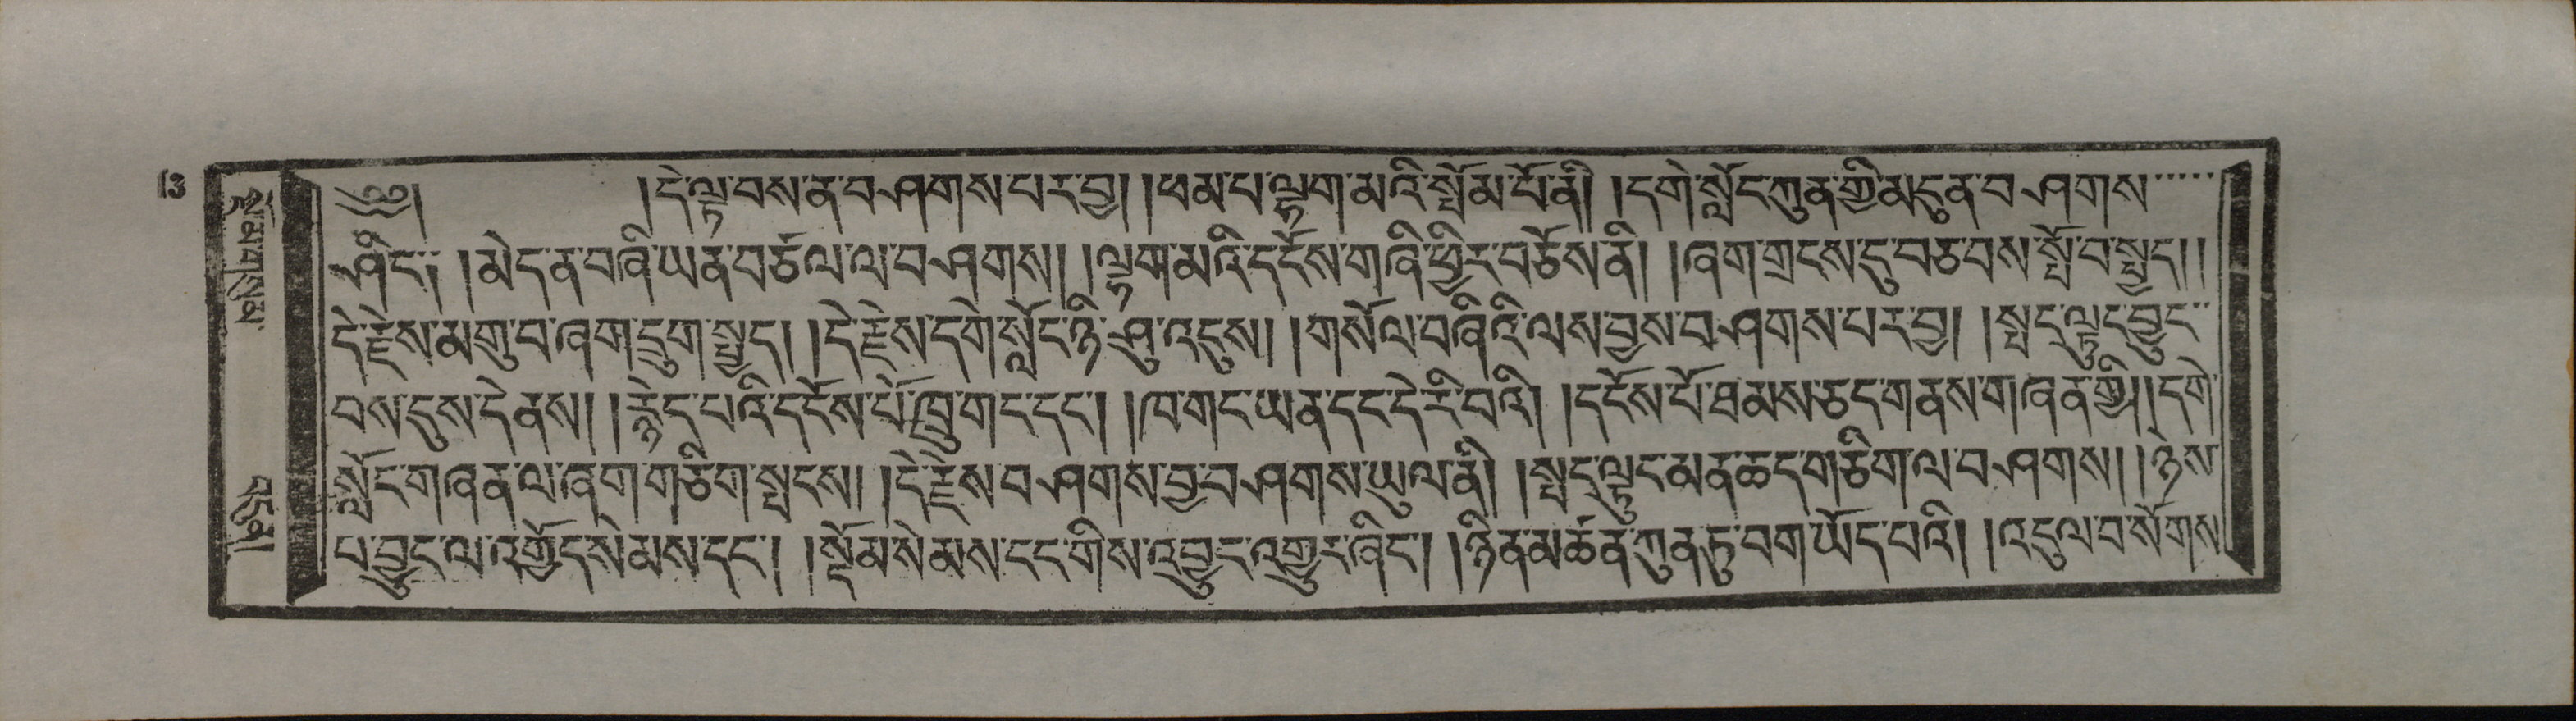༄༅། །དེ་ལྟ་བས་ན་བཤགས་པར་བྱ། །ཕམ་པ་ལྷག་མའི་སྤོམ་པོ་ནི། །དགེ་སློང་ཀུན་གྱི་མདུན་བཤགས་
ཤིང་། །མེད་ན་བཞི་ཡན་བཙལ་ལ་བཤགས། །ལྷག་མའི་དངོས་གཞི་ཕྱིར་བཅོས་ནི། །ཞག་གྲངས་དུ་བཅབས་སྤོ་བ་སྤྱད། །
དེ་རྗེས་མགུ་བ་ཞག་དྲུག་སྤྱད། །དེ་རྗེས་དགེ་སློང་ཉི་ཤུ་འདུས། །གསོལ་བཞིའི་ལས་བྱས་བཤགས་པར་བྱ། །སྤང་ལྟུང་བྱུང་
བས་དུས་དེ་ནས། །རྙེད་པའི་དངོས་པོ་ཁྲུ་གང་དང་། །ཁ་གང་ཡན་དང་དེ་རི་བའི། །དངོས་པོ་ཐམས་ཅད་གནས་གཞན་གྱི། །དགེ་
སློང་གཞན་ལ་ཞག་གཅིག་སྤངས། །དེ་རྗེས་བཤགས་བྱ་བཤགས་ཡུལ་ནི། །སྤང་ལྟུང་མན་ཆད་གཅིག་ལ་བཤགས། །ཉེས་
པ་བྱུང་ལ་འགྱོད་སེམས་དང་། །སྡོམ་སེམས་ངང་གིས་འབྱུང་འགྱུར་ཞིང་། །ཉིན་མཚན་ཀུན་ཏུ་བག་ཡོད་པའི། །འདུལ་བ་སོགས་